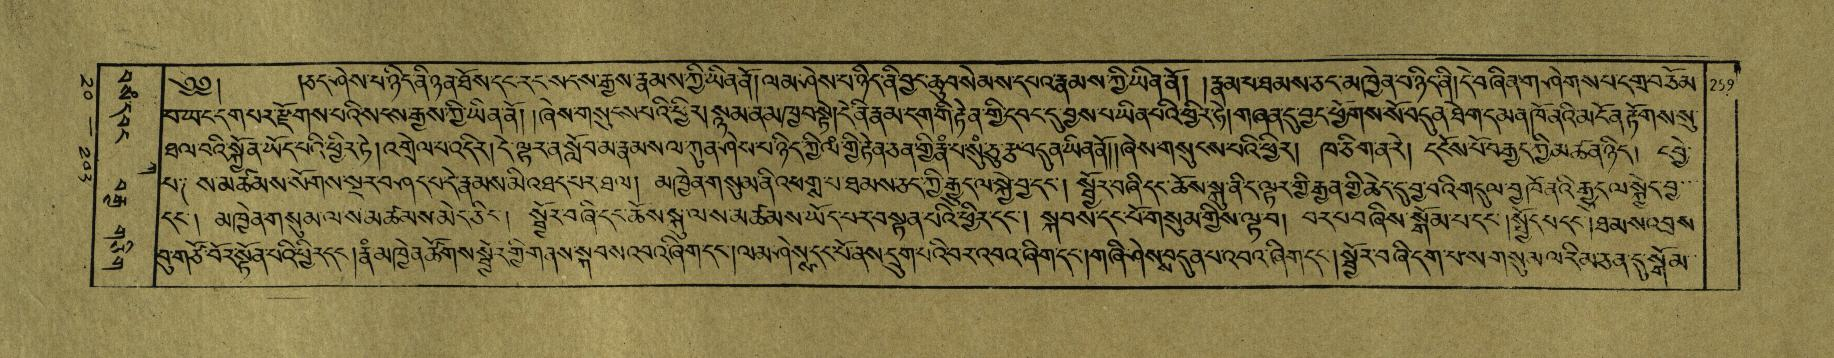༄༅། །ཅད་ཤེས་པ་ཉིད་ནི་ཉན་ཐོས་དང་རང་སངས་རྒྱས་རྣམས་ཀྱི་ཡིན་ནོ། ལམ་ཤེས་པ་ཉིད་ནི་བྱང་ཆུབ་སེམས་དཔའ་རྣམས་ཀྱི་ཡིན་ནོ། །རྣམ་པ་ཐམས་ཅད་མཁྱེན་པ་ཉིད་ནི། དེ་བཞིན་གཤེགས་པ་དགྲ་བཅོམ་
པ་ཡང་དག་པར་རྫོགས་པའི་སངས་རྒྱས་ཀྱི་ཡིན་ནོ། །ཞེས་གསུངས་པའི་ཕྱིར། སྙམ་ན་མ་ཁྱབ་སྟེ། དེ་ནི་རྣམ་དག་གི་རྟེན་གྱི་དབང་དུ་བྱས་པ་ཡིན་པའི་ཕྱིར་ཏེ། གཞན་དུ་བྱང་ཕྱོགས་སོ་བདུན་ཐེག་དམན་ཁོ་ནའི་མངོན་རྟོགས་སུ་
ཐལ་བའི་སྐྱོན་ཡོད་པའི་ཕྱིར་ཏེ། འགྲེལ་པ་འདིར། དེ་ལྟར་ན་སློབ་མ་རྣམས་ལ་ཀུན་ཤེས་པ་ཉིད་ཀྱི་ལཾ་གྱི་རྟེན་ཅན་གྱི་རྣཾ་པ་སུཾ་ཅུ་རྩ་བདུན་ཡིན་ནོ། །ཞེས་གསུངས་པའི་ཕྱིར། ཁ་ཅིག་ན་རེ། དངོས་པོ་བརྒྱད་ཀྱི་མཚན་ཉིད། དབྱེ་
པ༑ ས་མཚམས་སོགས་སྔར་བཤད་པ་དེ་རྣམས་མི་འཐད་པར་ཐལ། མཁྱེན་གསུམ་ནི་འཕགས་པ་ཐམས་ཅད་ཀྱི་རྒྱུད་ལ་སྐྱེ་བྱ་དང་། སྦྱོར་བཞི་དང་ཆོས་སྐུ་ནི་ད་ལྟར་གྱི་རྒྱན་གྱི་ཆེད་དུ་བྱ་བའི་གདུལ་བྱ་ཁོ་ནའི་རྒྱུད་ལ་སྐྱེད་བྱ་
དང་། མཁྱེན་གསུམ་ལ་ས་མཚམས་མེད་ཅིང་། སྦྱོར་བཞི་དང་ཆོས་སྐུ་ལ་ས་མཚམས་ཡོད་པར་བསྟན་པའི་ཕྱིར་དང་། སྐབས་དང་པོ་གསུམ་གྱིས་ལྟ་བ། བར་པ་བཞིས་སྒོམ་པ་དང་།སྤྱོད་པ་དང་། ཐ་མས་འབྲས་
བུ་གཙོ་བོར་སྟོན་པའི་ཕྱིར་དང་། རྣཾ་མཁྱེན་ཚོགས་སྦྱོར་གྱི་གནས་སྐབས་འབའ་ཞིག་དང་། ལམ་ཤེས་ས་དང་པོ་ནས་དྲུག་པའི་བར་འབའ་ཞིག་དང་། གཞི་ཤེས་ས་བདུན་པ་འབའ་ཞིག་དང་། སྦྱོར་བཞི་དག་པ་ས་གསུམ་ལ་རིམ་ཅན་དུ་སྒོམ་